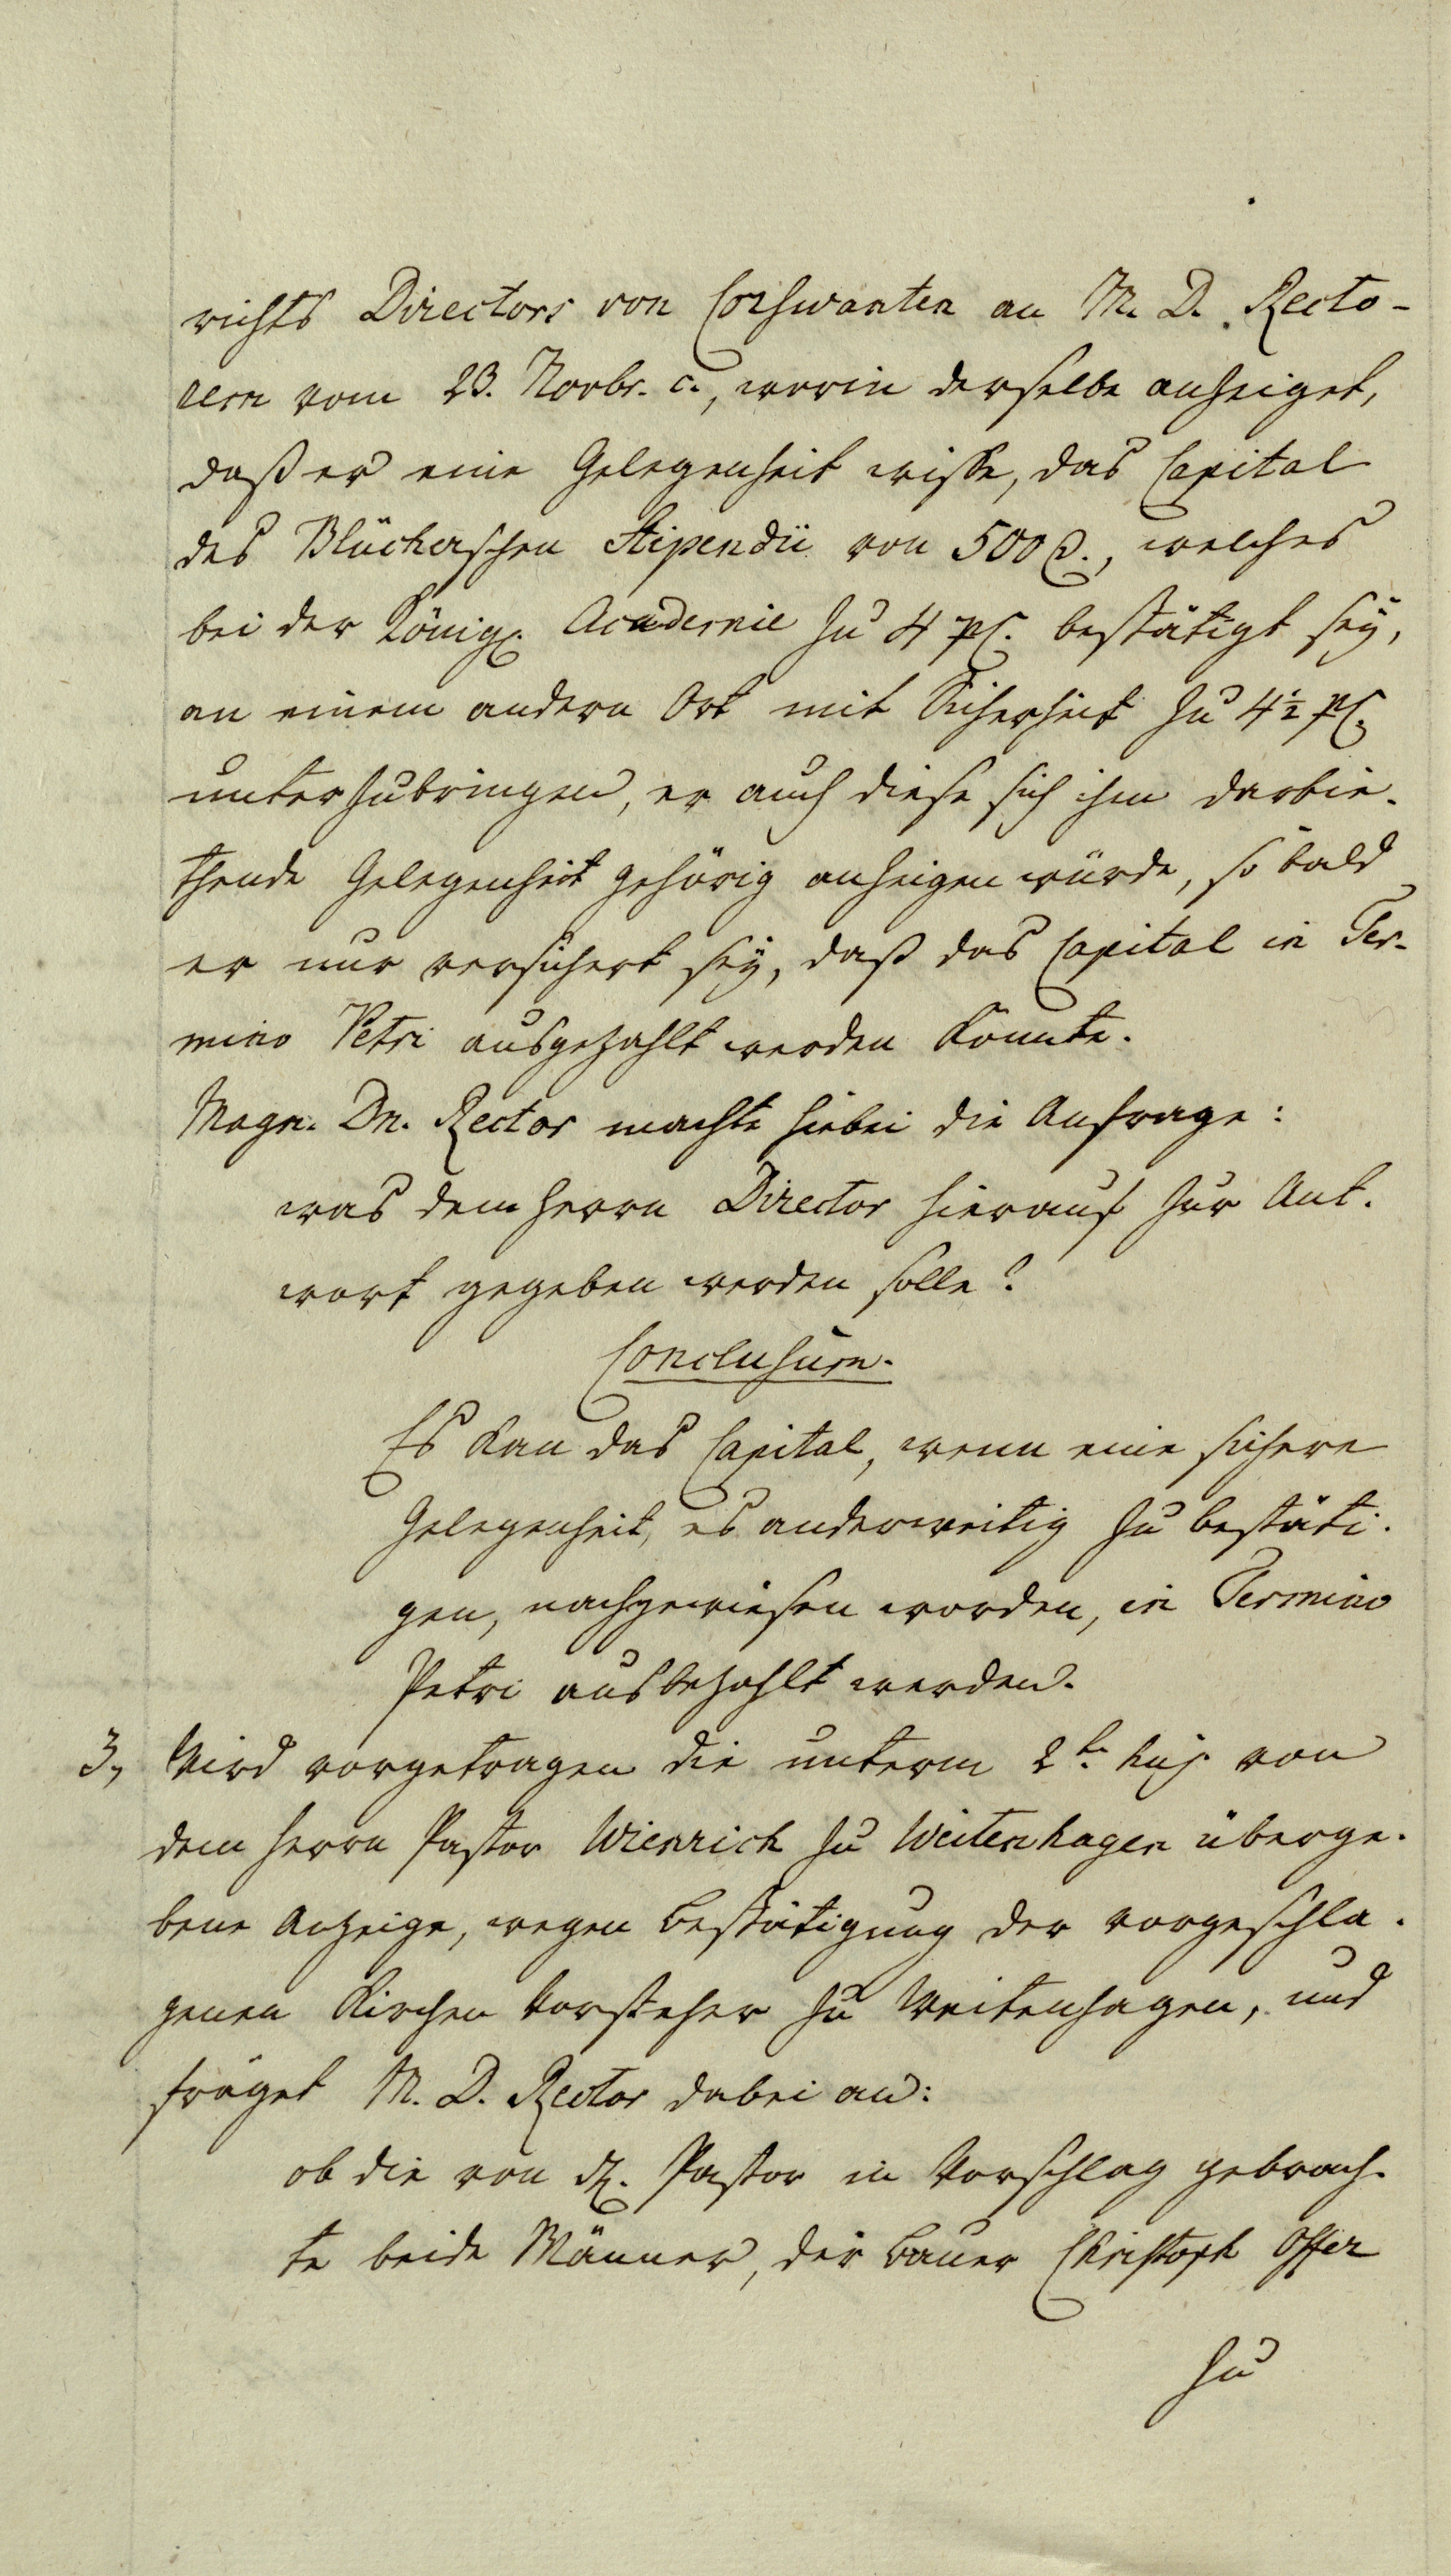richts Directors von Corswanten an M. D. Recto¬
rem vom 23. Novbr. c., worin derselbe anzeiget,
daß er eine Gelegenheit wisse, das Capital
des Blücherschen Stipendii von 500 rtl., welches
bei der Königl. Academie zu 4 xxx bestätigt seÿ,
an einem andern Ort mit Sicherheit zu 4 1/2 xxx.
unterzubringen, er auch diese sich ihm darbie¬
tende Gelegenheit gehörig anzeigen würde, so bald
er nur versichert seÿ, daß das Capital in Ter¬
mino Petri ausgezahlt werden könnte.
Magn. Dn. Rector machte hiebei die Anfrage:
was dem Herrn Director hierauf zur Ant¬
wort gegeben werden solle?
Conclusum.
Es kan das Capital, wenn eine sichere
Gelegenheit, es anderweitig zu bestäti¬
gen, nachgewiesen worden, in Termino
Petri ausbezahlt werden.
3., Wird vorgetragen die unterm 2t. huj. von
dem Herrn Pastor Wienrich zu Weitenhagen überge¬
bene Anzeige, wegen Bestätigung der vorgeschla¬
genen Kirchen Vorsteher zu Weitenhagen, und
fräget M. D. Rector dabei an:
ob die von dh. Pastor in Vorschlag gebrach¬
te beide Männer, der Bauer Christoph Oster
zu